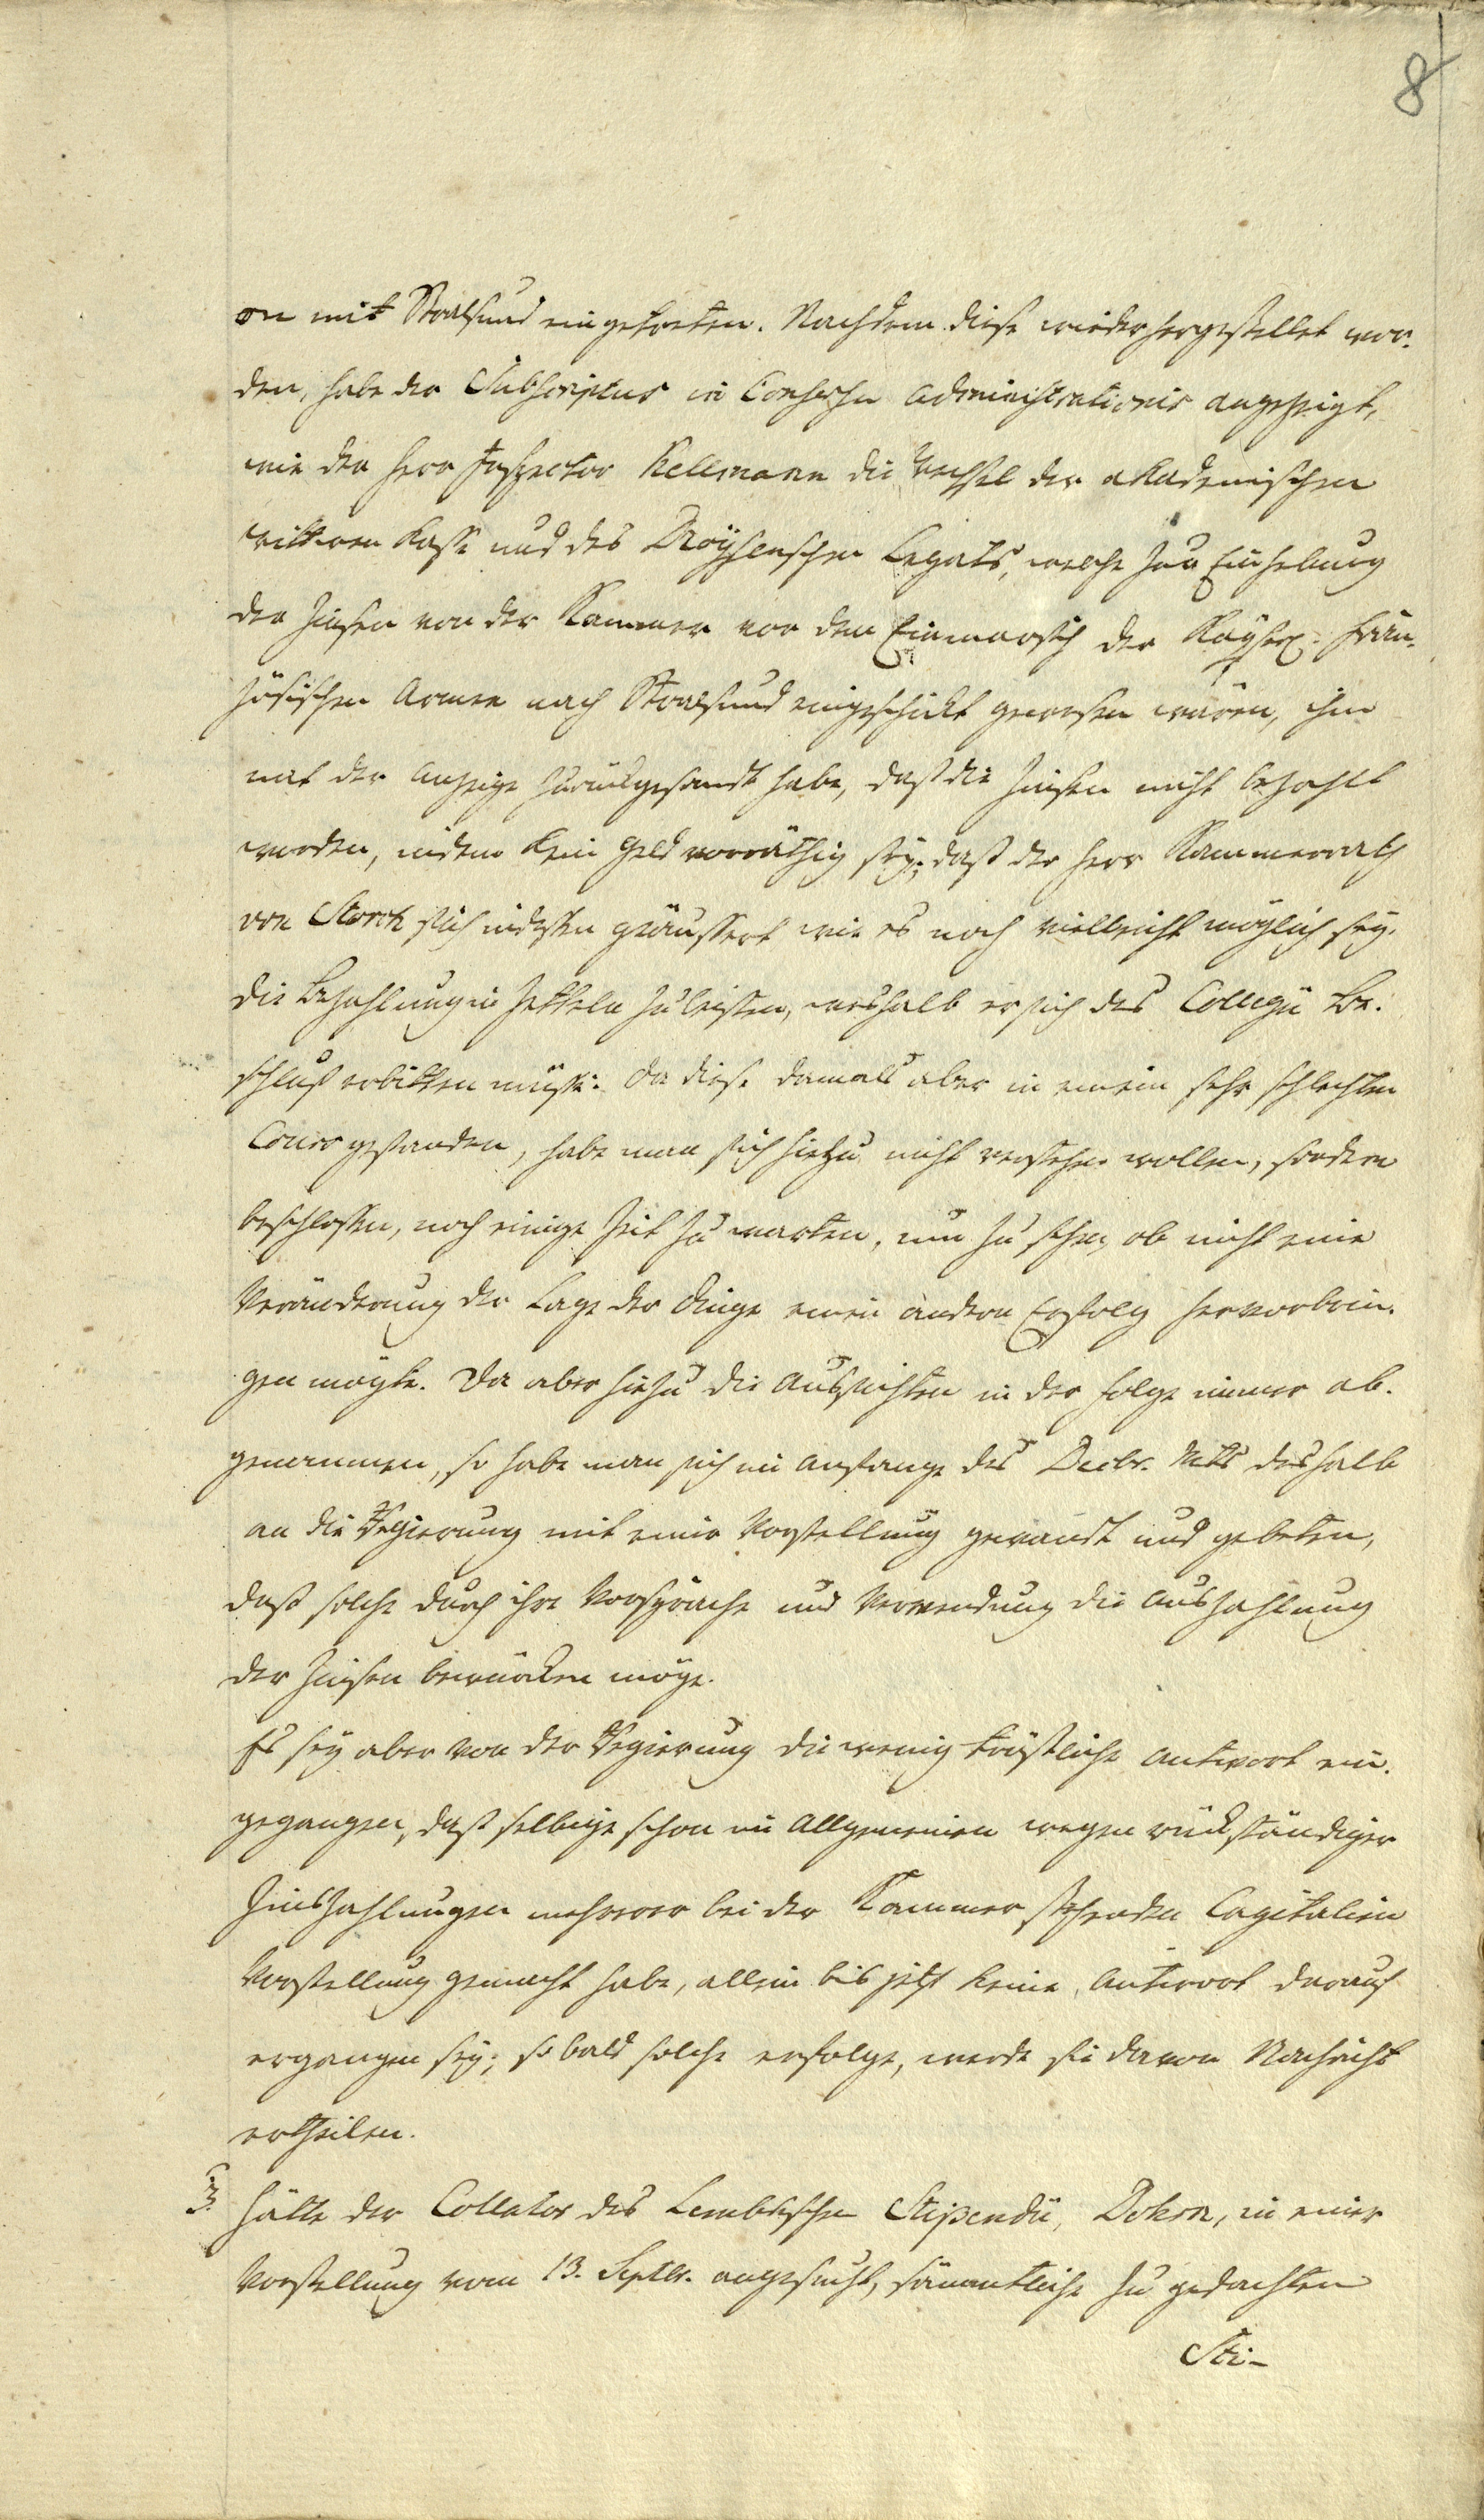on mit Stralsund eingetreten. Nachdem diese wiederhergestellet wor¬
den, habe der Subscriptus in Consessu Administrationis angezeigt,
wie der Herr Inspector Kellmann die Wechsel der akademischen
Wittwen Kasse und des Droÿsenschen Legats, welche zur Einhebung
der Zinsen von der Kammer vor den Einmarsch der Kaÿserl. Fran¬
zösischen Armee nach Stralsund engeschickt gewesen wären, ihm
mit der Anzeige zurückgesandt habe, daß die Zinsen nicht bezahlt
werden, indem kein Geld vorräthig seÿ, daß der Herr Kammerrath
von Storch sich indessen geäussert wie es noch vielleicht möglich seÿ,
die Bezahlung in Zetteln zu leisten, weshalb er sich des Collegii Be¬
schluß erbitten müsse. Da diese damals aber in einem sehr schlechten
Cours gestanden, habe man sich hiezu nicht verstehen wollen, sondern
beschlossen, noch einige Zeit zu warten, um zu sehen, ob nicht eine
Veränderung der Lage der Dinge einen andern Erfolg hervorbrin¬
gen mögte. Da aber hiezu die Aussichten in der Folge immer ab¬
genommen, so habe man sich im Anfange des Decbr. Mts. deshalb
an die Regierung mit einer Vorstellung gewandt und gebethen,
daß solche durch ihre Vorsprache und Verwendung die Auszahlung
der Zinsen bewürken möge.
Es seÿ aber von der Regierung die wenig tröstliche Antwort ein¬
gegangen, daß selbige schon im Allgemeinen wegen rückständiger
Zinszahlungen mehrerer bei der Kammer stehenden Capitalien
Vorstellung gemacht habe, allein bis jetzt keine, Antwort darauf
ergangen seÿ; so bald solche erfolgt, werde sie davon Nachricht
ertheilen.
3. Hätte der Collator des Lembkschen Stipendii, Dohm, in einer
Vorstellung vom 13. Septbr. angesucht, sämmtliche zu gedachten
Sti¬